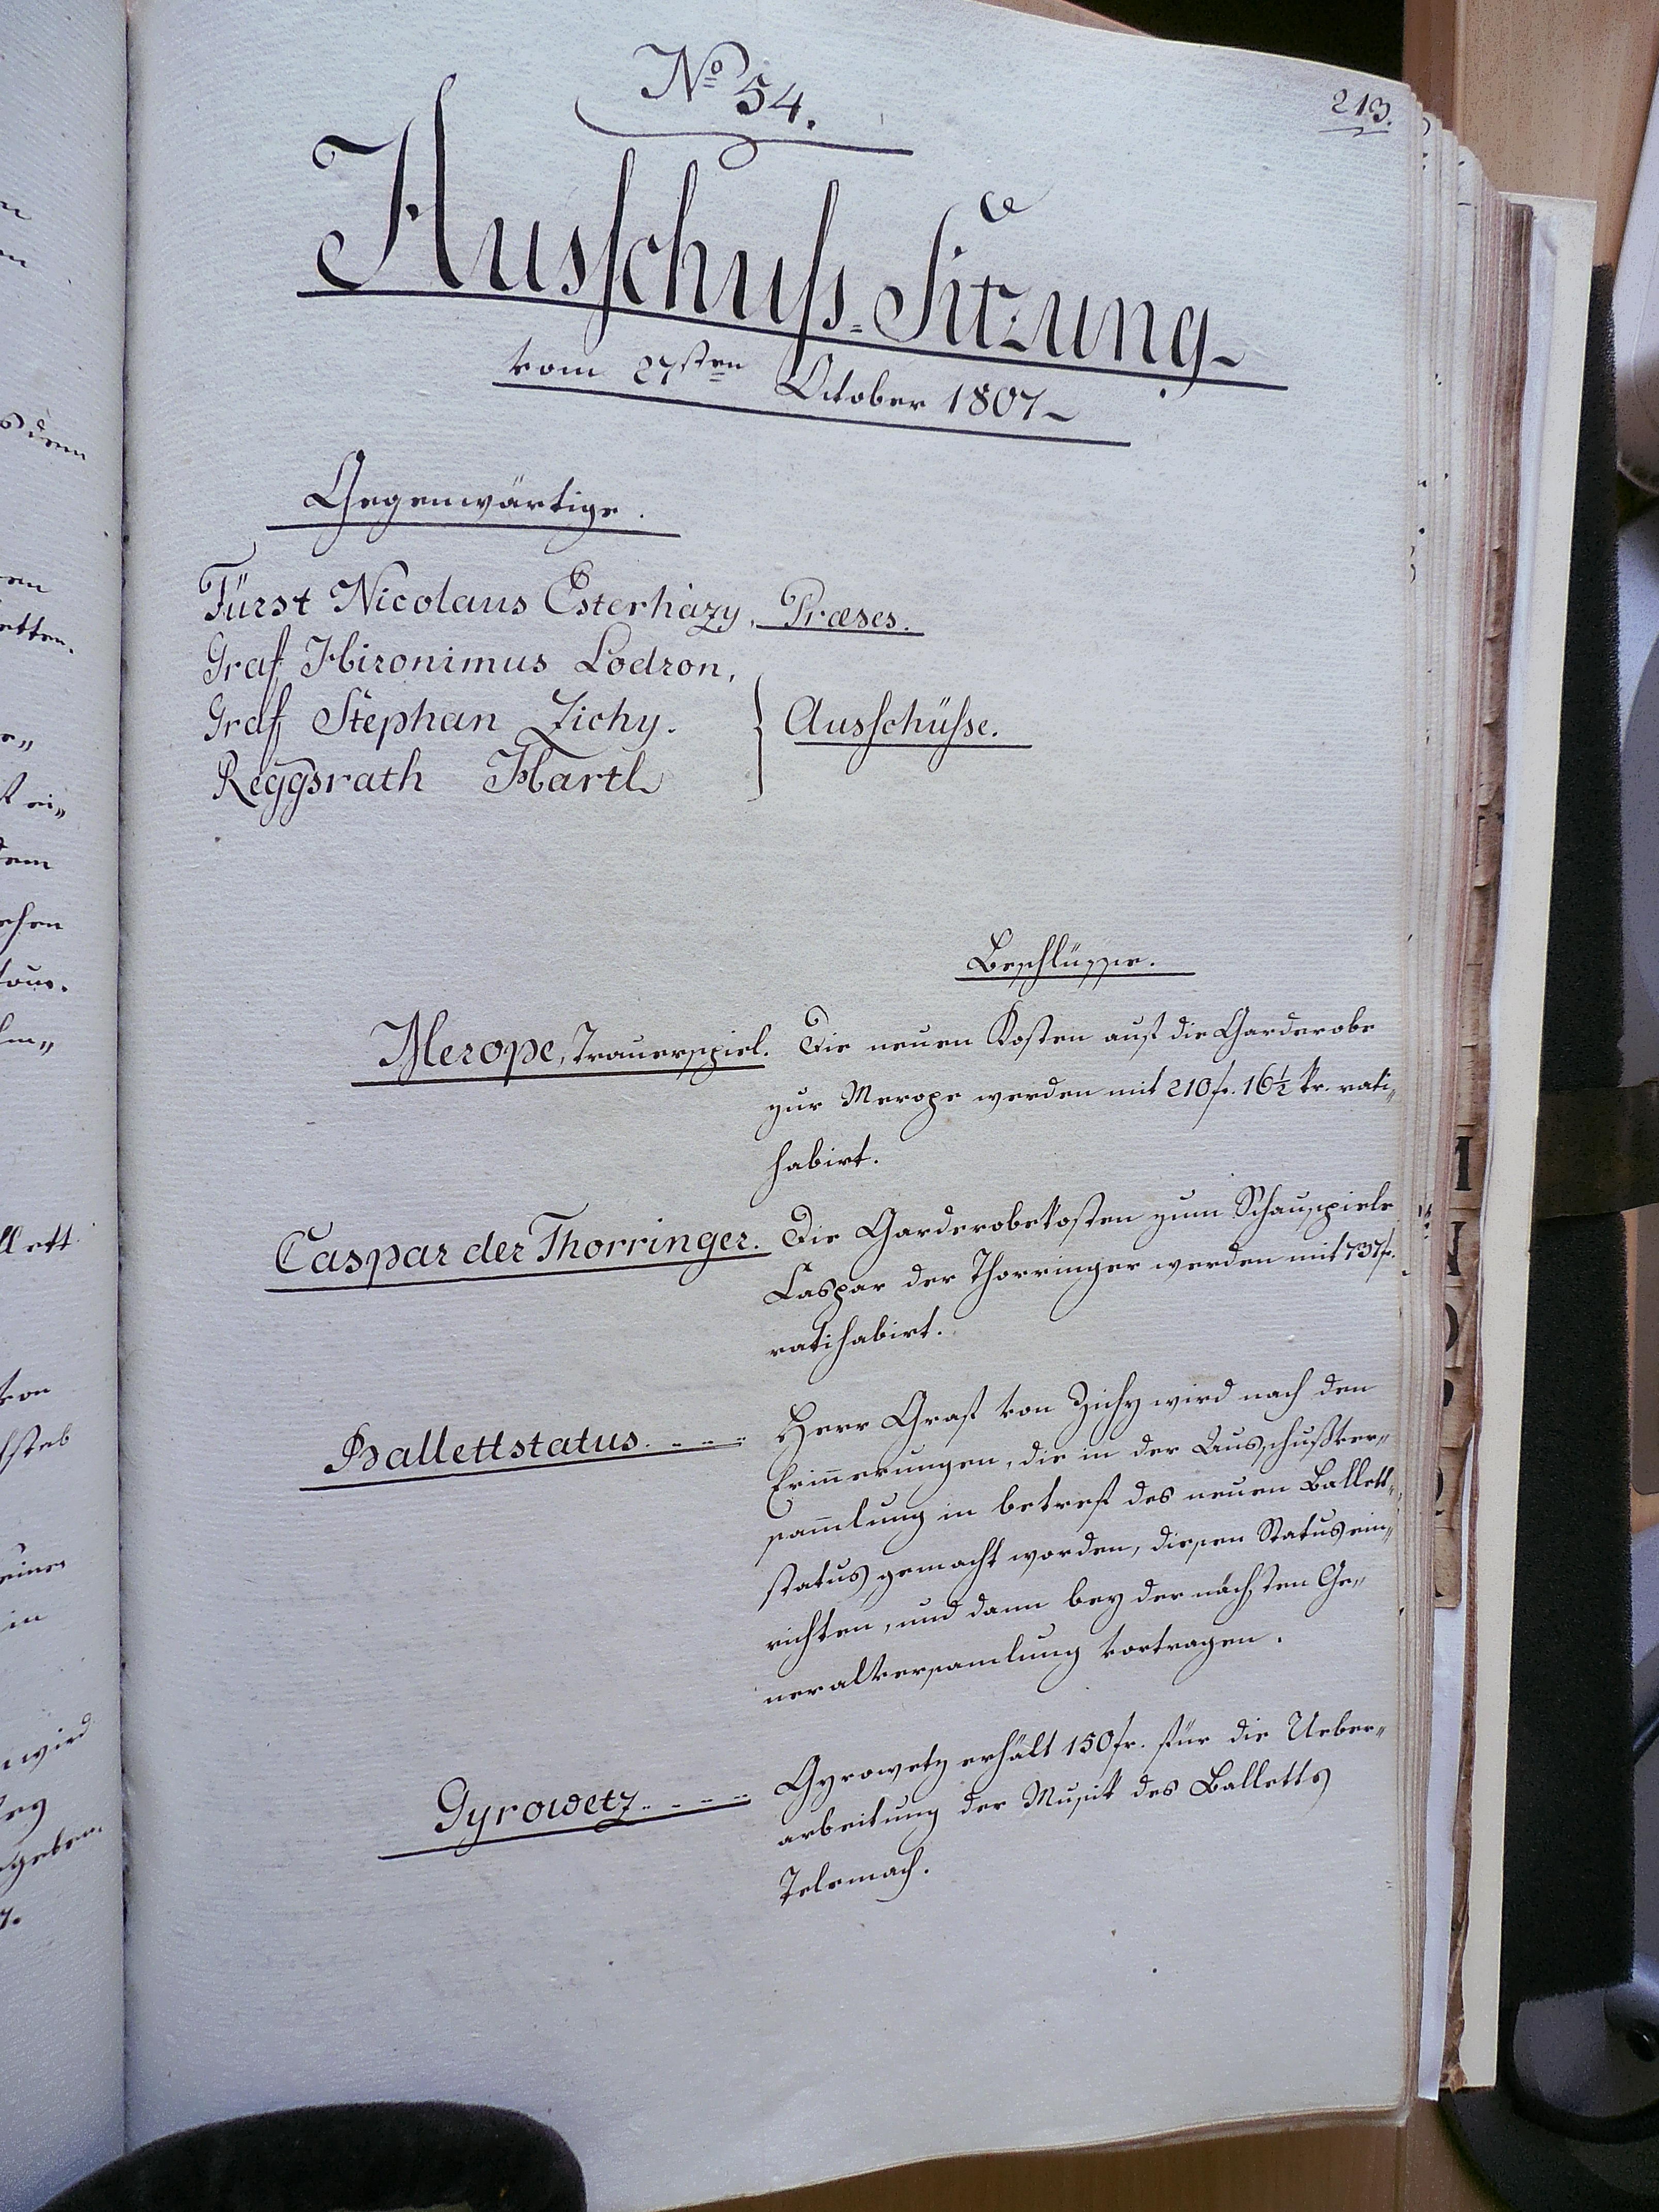213.
No͇ 54.
Ausschuss=Sitzung
vom 27ste͇n October 1807.
Gegenwärtige.
Fürst Nicolaus Esterhàzy Præses.
Graf Hironimus Lodron,
Graf Stephan Zichy.
Reg͞gsrath Hartl
Ausschüsse.
Beschlüsse.
Merope, Trauerspiel. Die neuen Kosten auf die Garderobe
zur Merope werden mit 210fr. 16 1/2 kr. rati¬
habirt.
Caspar der Thorringer. Die Garderobekosten zum Schauspiele
Caspar der Thorringer werden mit 737fr.
ratihabirt.
Ballettstatus. .. .. .. Herr Graf von Zichy wird nach den
Erin̅erungen, die in der Ausschußver¬
sam̅lung in betref des neuen Ballett¬
status gemacht worden, diesen Status ein¬
richten, und dann bey der nächsten Ge¬
neralversamlung vortragen.
Gyrowetz .. .. .. Gyrowetz erhält 150fr. für die Ueber¬
arbeitung der Musik des Balletts
Telemach.